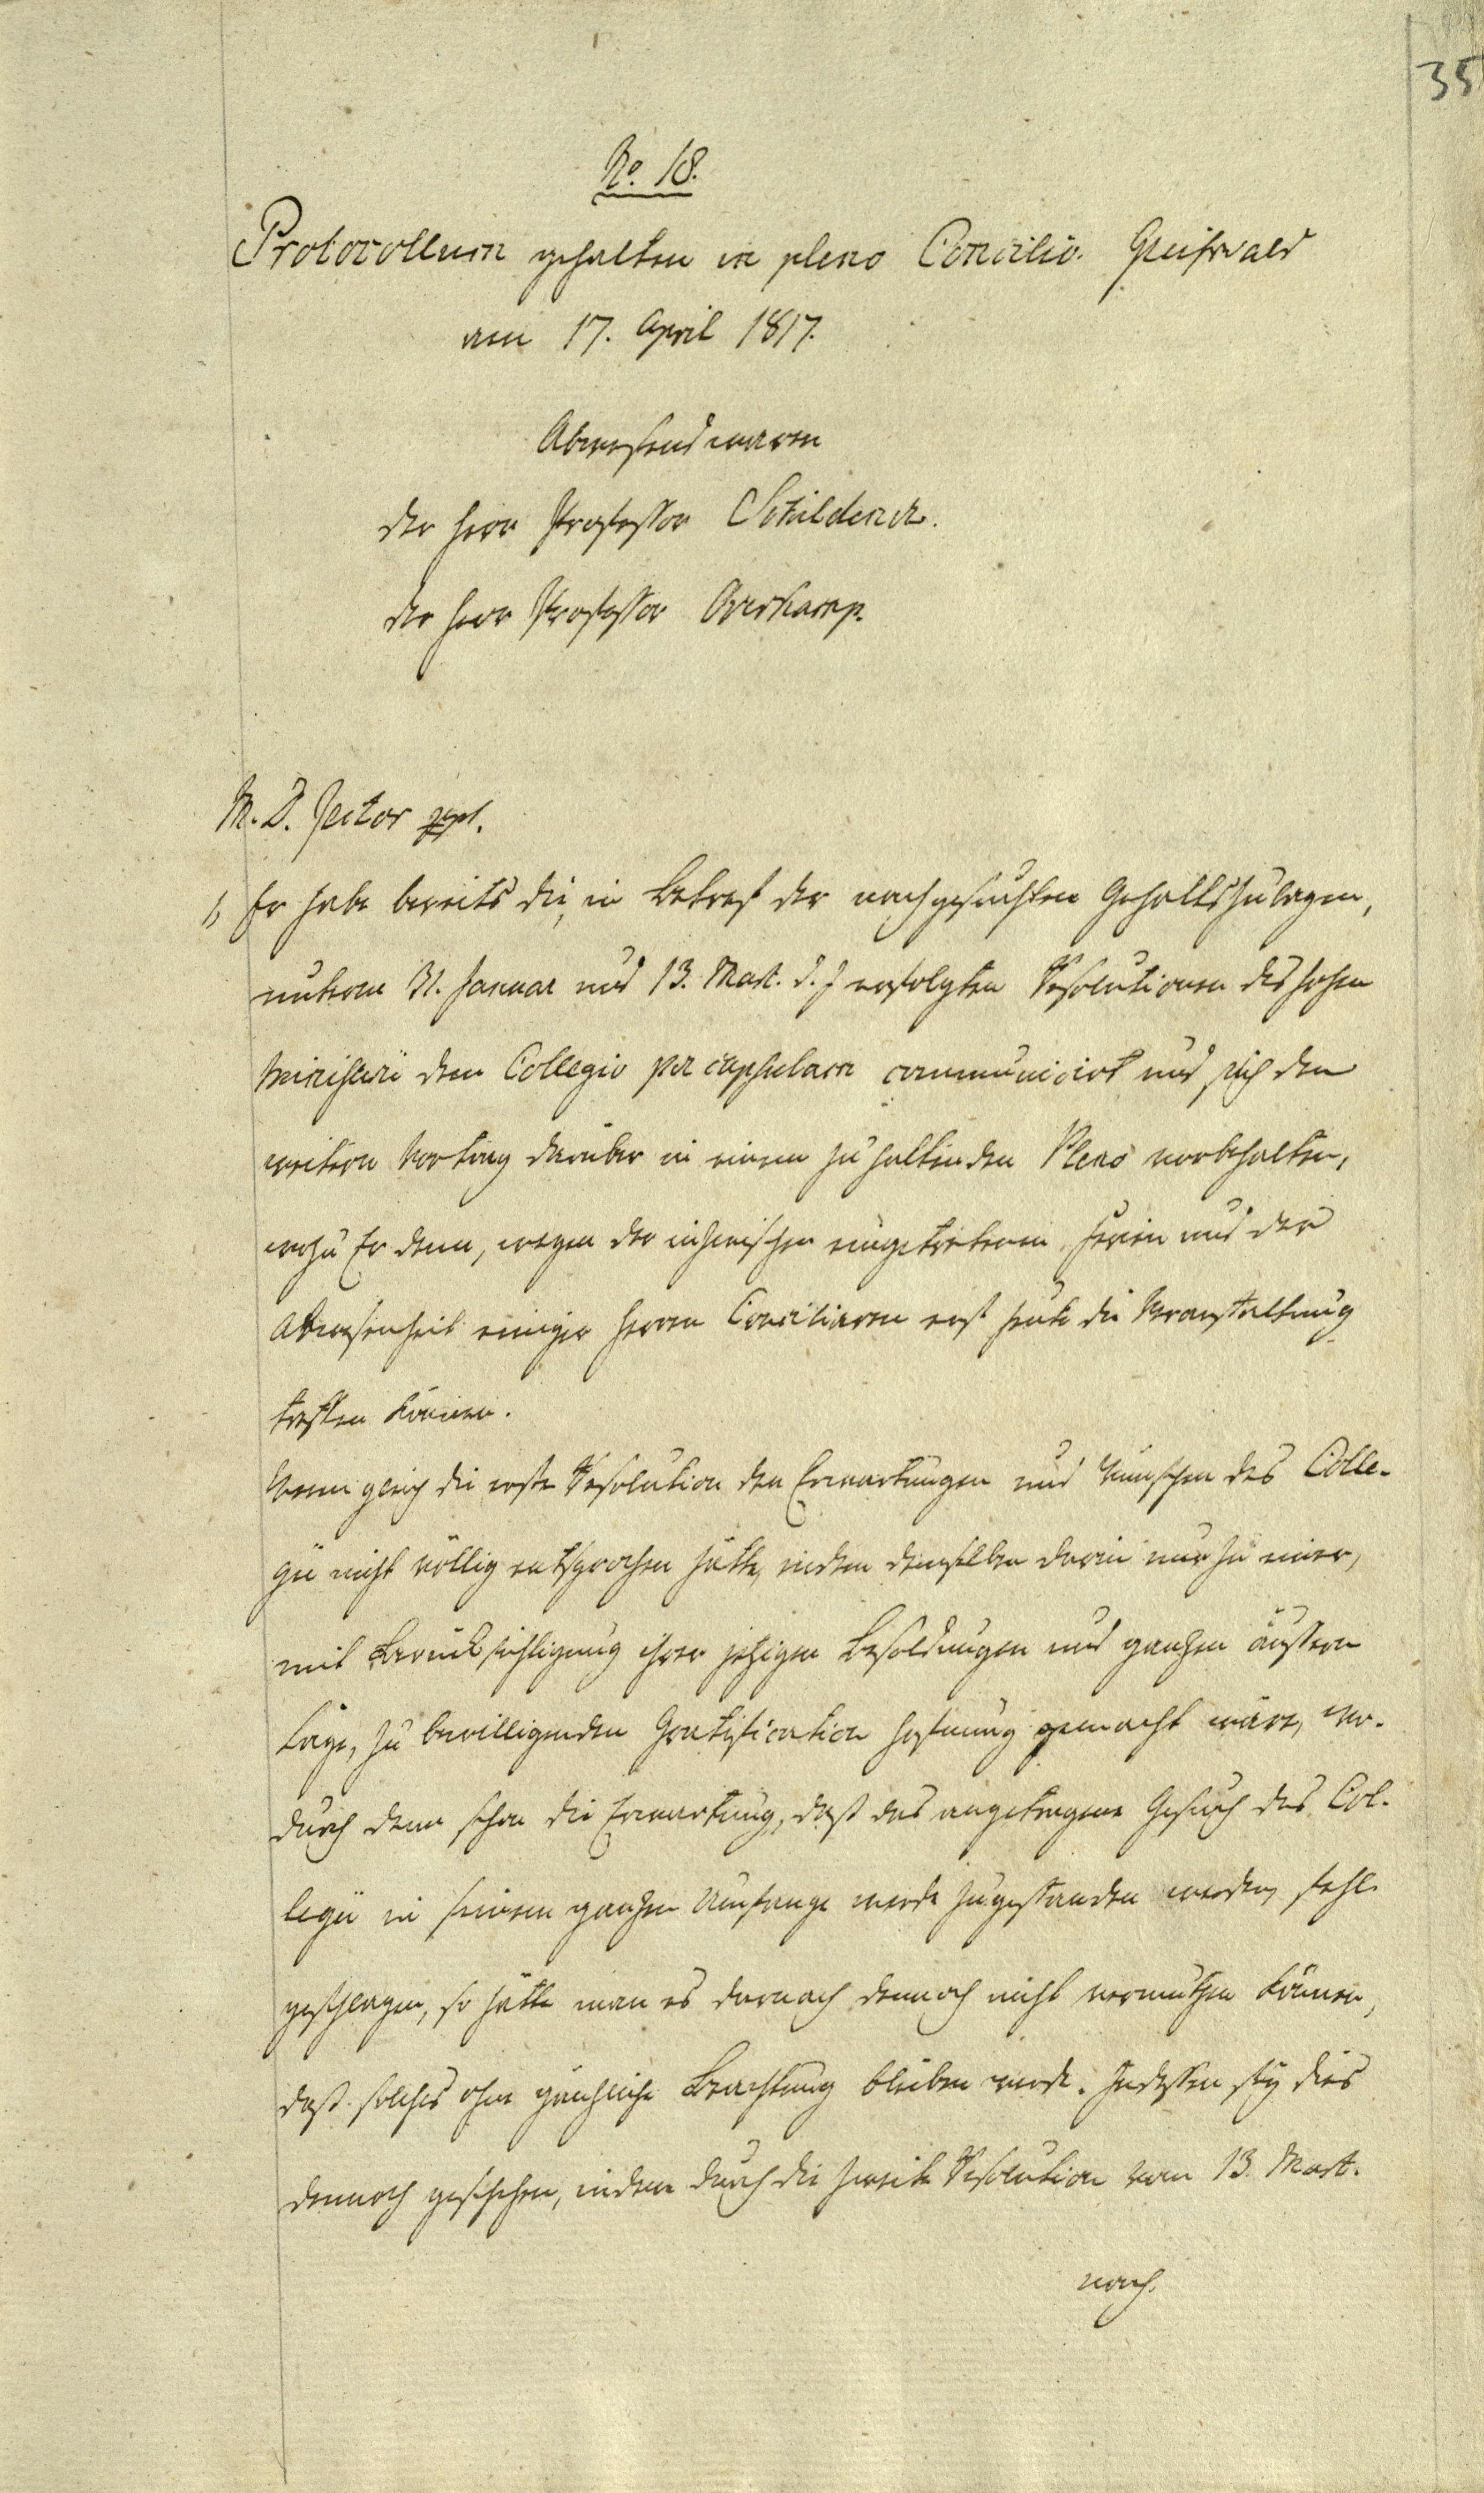No 18.
Protocollum gehalten in pleno Concilio Greifswald
am 17. April 1817.
Abwesend waren
der Herr Professor Schildener.
der Herr Professor Overkamp.
M. D. Rector ppt.
1 Er habe bereits die in Betref der nachgesuchten Gehaltszulagen,
unterm 31. Januar und 13. Mart. d. J. erfolgten Resolutionen des hohen
Ministerii dem Collegio per capsulam communicirt und sich den
weitern Vortrag darüber in einem zu haltenden Pleno vorbehalten,
wozu Er denn, wegen der inzwischen eingetretenen Ferien und der
Abwesenheit einiger Herren Conciliaren erst heute die Veranstaltung
treffen können.
Wenn gleich die erste Resolution den Erwartungen und Wünschen des Colle¬
gii nicht völlig entsprochen hätte, indem demselben darin nur zu einer,
mit Berücksichtigung ihrer jetzigen Besoldungen und ganzen äusseren
Lage, zu bewilligenden Gratification Hofnung gemacht wäre, wo¬
durch denn schon die Erwartung, daß das angetragene Gesuch des Col¬
legii in seinem ganzen Anfange werde zugestanden werden, fehl¬
geschlagen, so hätte man es darnach dennoch nicht vermuthen können,
daß solches ohne gänzliche Beachtung bleiben würde. Indessen seÿ dies
dennoch geschehen, indem durch die zweite Resolution vom 13 Mart.
nach